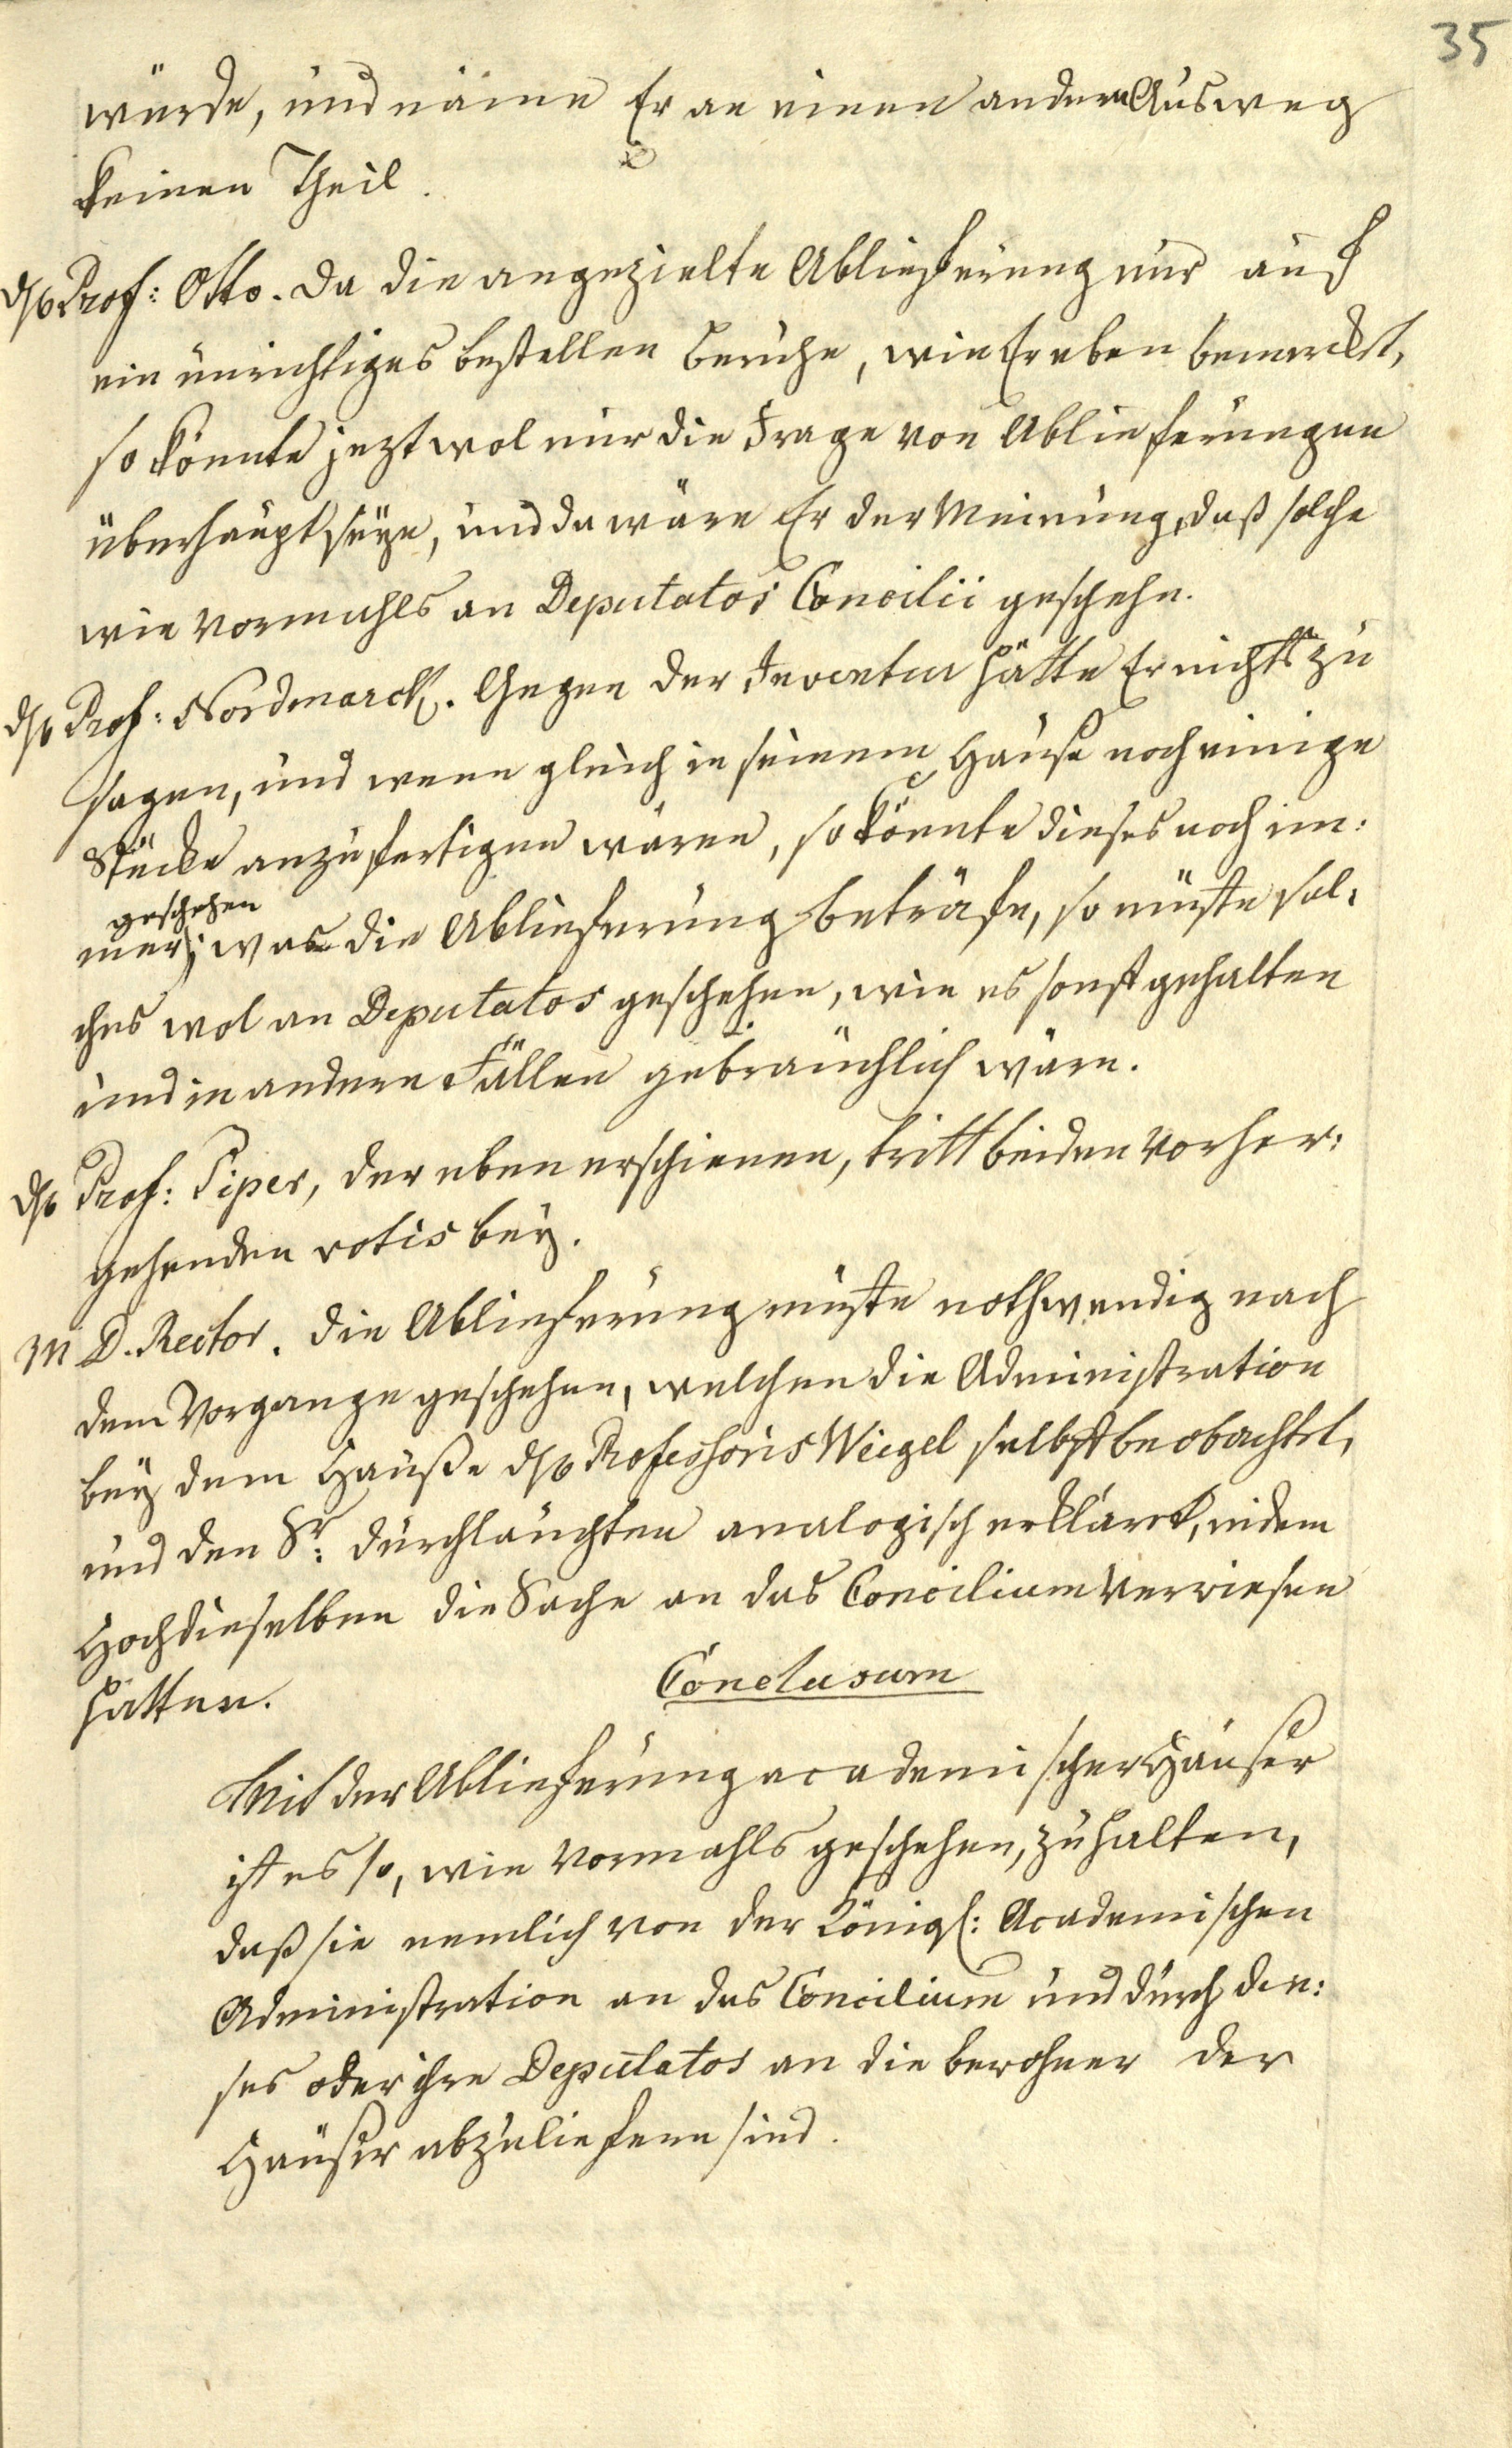würde, und näme Er an einen andern Ausweg
keinen Theil.
dh Prof. Otto. Da die angezielte Ablieferung nur auf
ein unrichtiges Bestellen beruhe, wie Er eben bemerckt,
so könnte jezt wol nur die Frage von Ablieferungen
überhaupt seÿn, und da wäre Er der Meinung ,daß solche
wie vormahls an Deputatos Concilii geschehe.
dh Prof. Nordmarck. Gegen der Inventur hätte Er nichts zu
sagen, und wenn gleich in seinen Hause noch einige
Stückee anzufertigen wären, so könnte dieses noch im¬
immer geschehen, was die Ablieferung beträfe, so müste sol¬
ches wol an Deputatos geschehen, wie es sonst gehalten
und in andern Fällen gebräuchlich wäre.
dh Prof. Piper, der eben erschienen, tritt beiden vorher¬
gehenden votis beÿ.
M. D. Rector. die Ablieferung müste nothwendig nach
dem Vorgange geschehen, welchen die Administration
beÿ dem Hauße dh Professoris Weigel selbst beobachtet,
und den Sr. Durchlauchten analogisch erkläret, indem
Hochdieselben die Sache an das Concilium verwiesen
hätten.
Conclusum
Mit der Ablieferung academischer Häußer
ist es so, wie vormahls geschehen, zu halten,
daß sie nemlich von der Königl. Academischen
Administration an das Concilium und durch die¬
ses oder ihre Deputatos an die Bewohner der
Häußer abzuliefern sind.